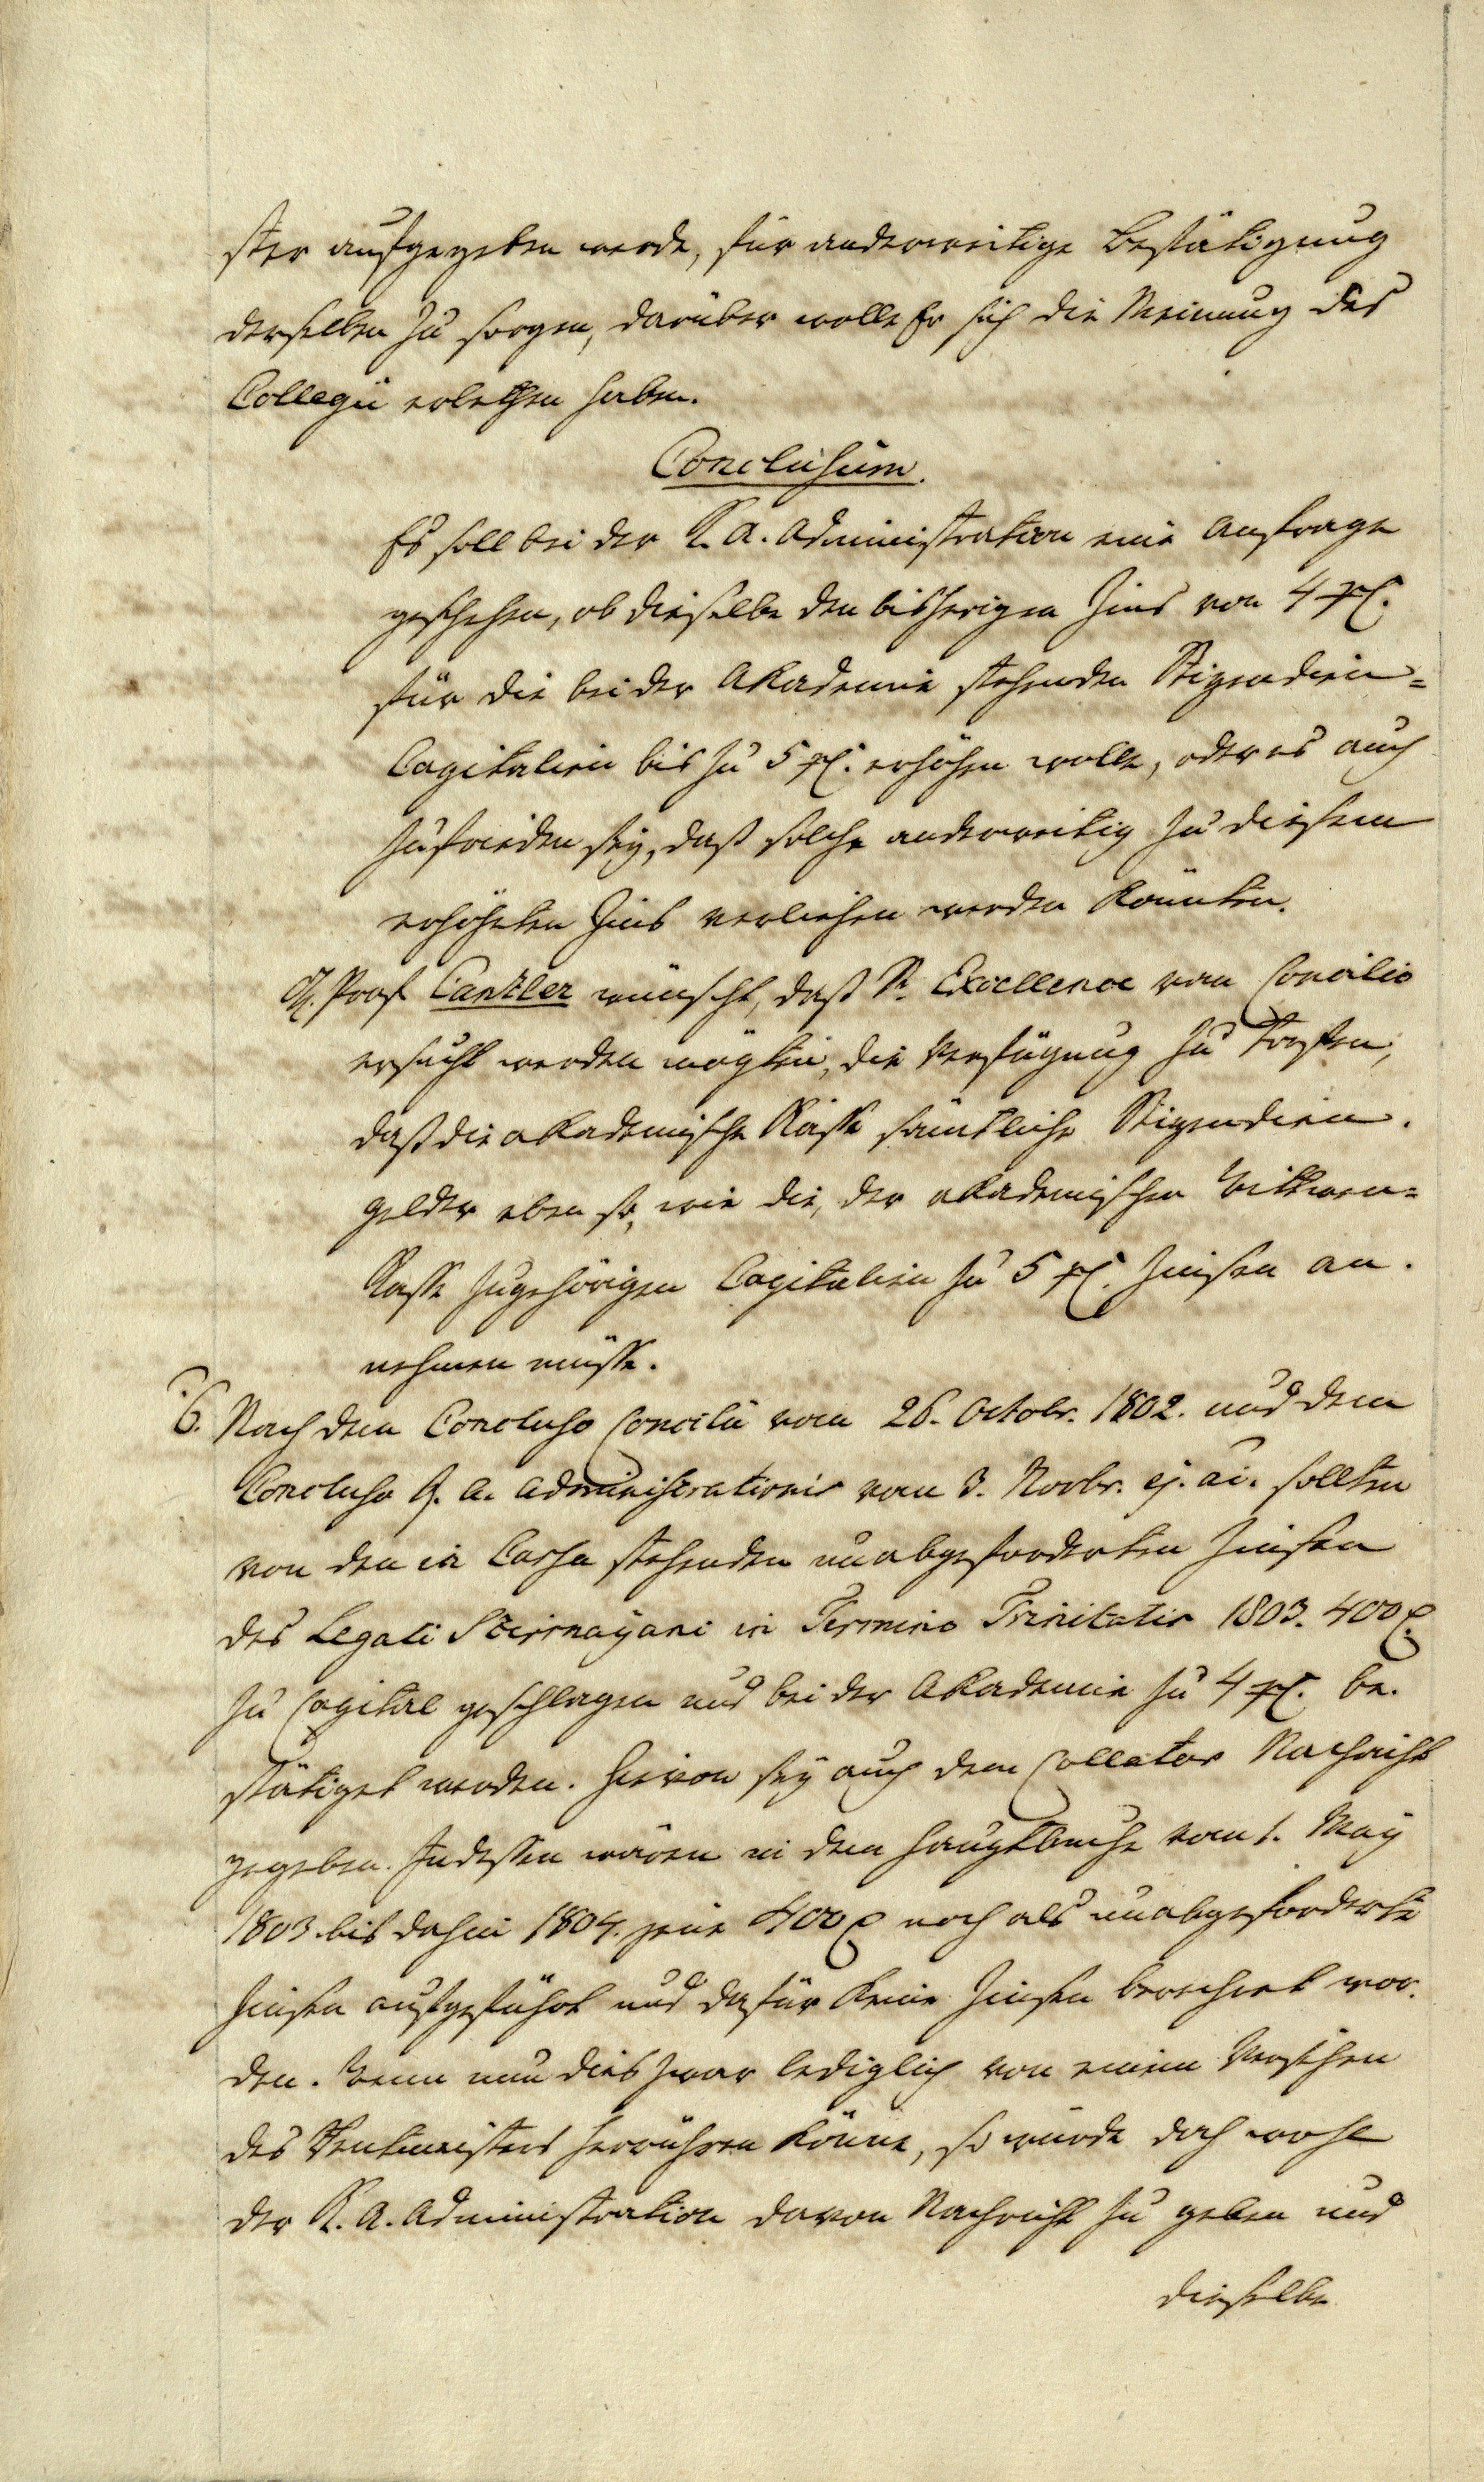ster aufgegeben werde, für anderweitige Bestätigung
derselben zu sorgen, darüber wolle Er sich die Meinung des
Collegii erbethen haben.
Conclusum.
Es soll bei der K. A. Administration eine Anfrage
geschehen, ob dieselbe den bisherigen Zins von 4 pl.
für die bei der Akademie stehenden Stipendien-
Capitalien bis zu 5 pl. erhöhen wolle, oder es auch
zufrieden seÿ; daß solche anderweitig zu diesem
erhöheten Zins verliehen werden könnten.
dh. Prof. Canzler wünscht, daß Sr. Excellence vom Concilio
ersucht werden mögten, die Verfügung zu treffen,
daß die akademische Kasse sämtliche Stipendien¬
gelder ebenso, wie die, der akademischen Wittwen-
Kasse zugehörigen Capitalien zu 5 rl. Zinsen an¬
nehmen müsse.
6. Nach dem Concluso Concilii vom 26. Octobr. 1802. und dem
Concluso K. A. Administrationis vom 3. Novbr. ej. ai. sollten
von den in Cassa stehenden unabgeforderten Zinsen
des Legati Szirmaÿani in Termino Trinitatis 18003. 400 l.
zu Capital geschlagen und bei der Akademie zu 4 pl. be¬
stätiget werden. Hievon seÿ auch dem Collator Nachricht
gegeben. Indessen wären in dem Hauptbuche vom 1. Maÿ
1803 bis dahin 1804. jene 400 l noch als unabgeforderte
Zinsen aufgeführt und dafür keine Zinsen berechnet wor¬
den. Wenn nun dies zwar lediglich von einem Versehen
des Rentmeisters herrühren könne, so würde doch wohl
der K. A. Administration davon Nachricht zu geben und
dieselbe